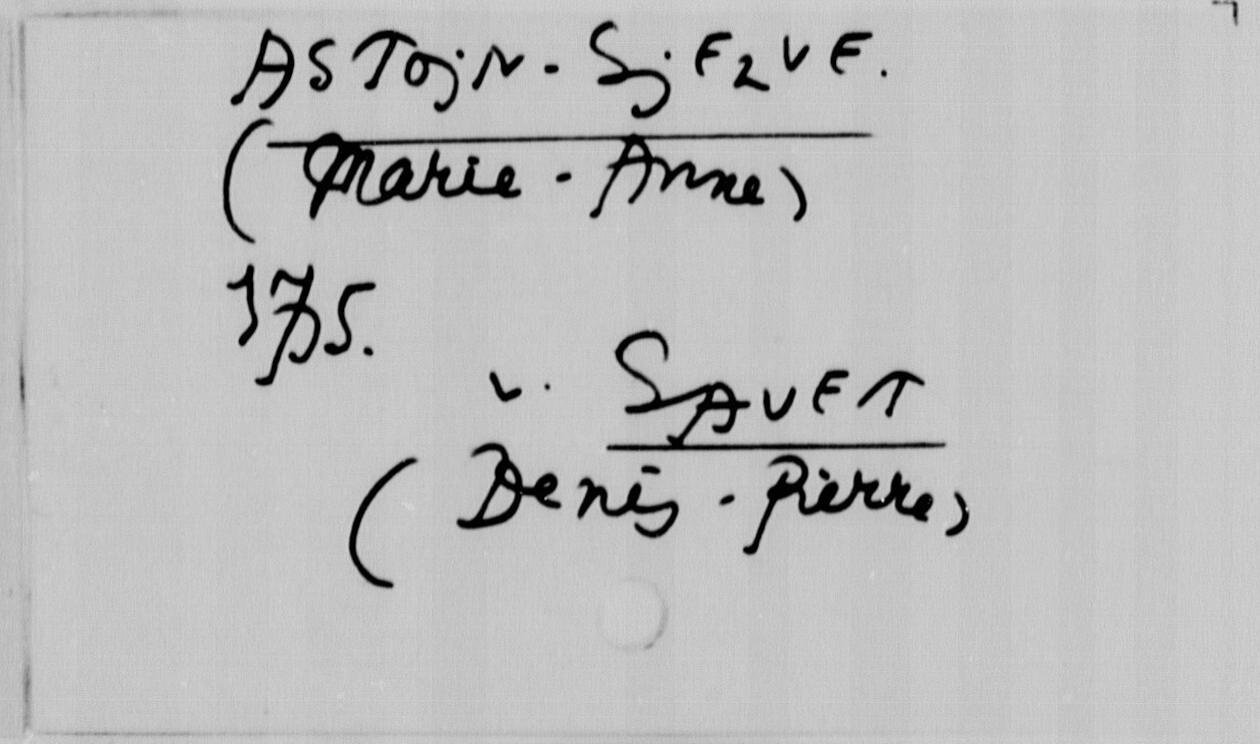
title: ASTOIN-SIFLUE (Marie Anne)
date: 1715
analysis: Voir SAVET (Denis-Pierre)
